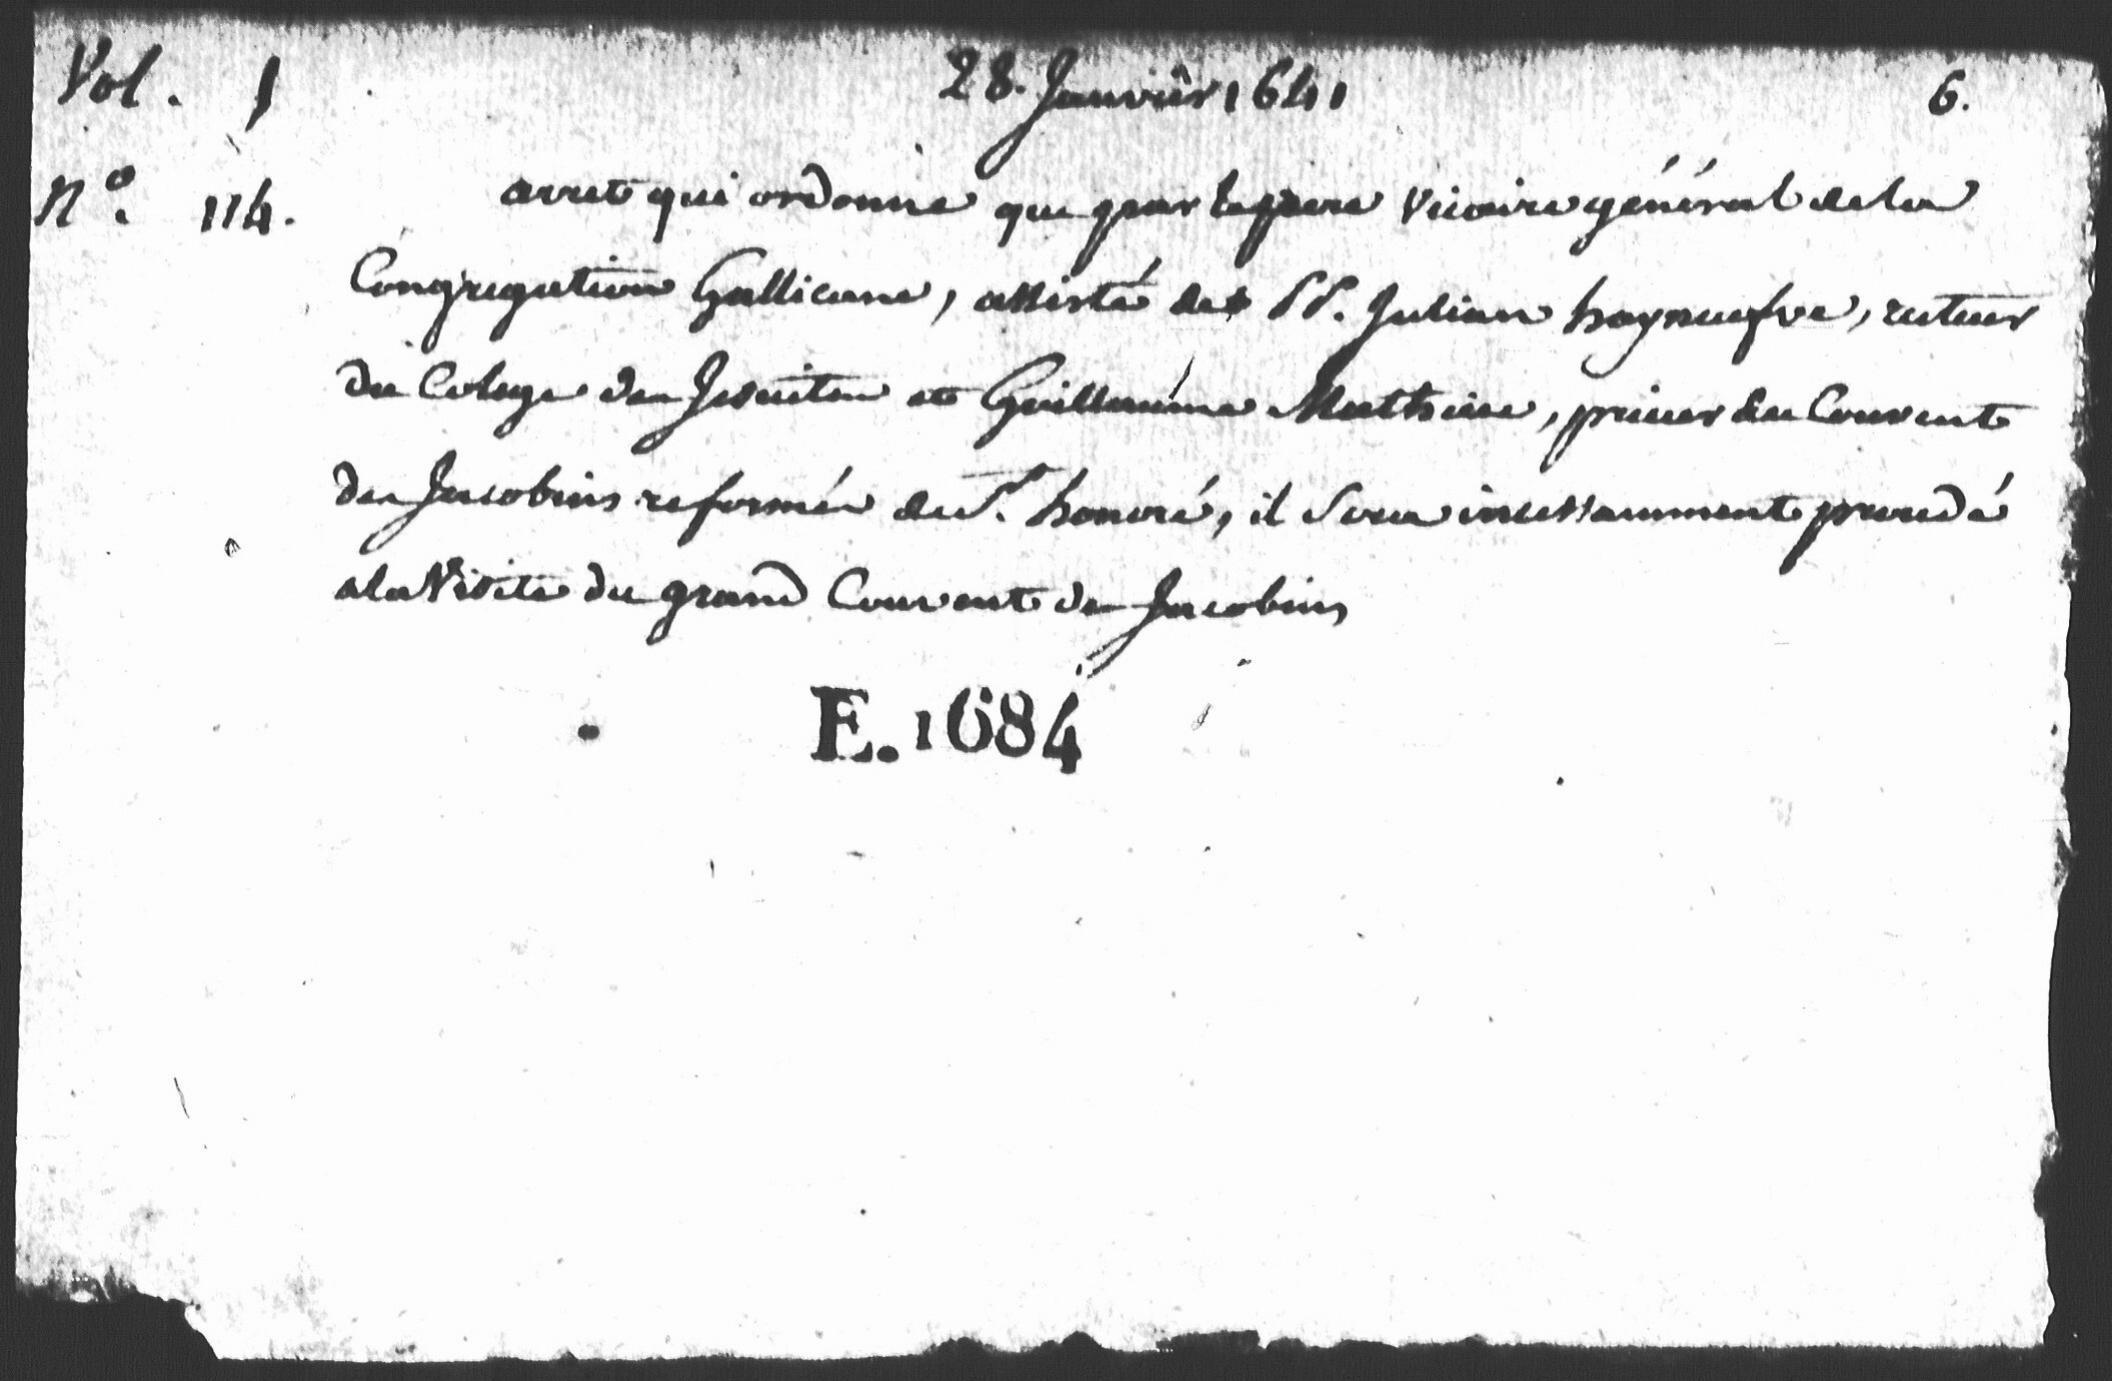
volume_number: n°114
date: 28 janvier 1641
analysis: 6
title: arret qui ordonne que par le pere vicaire général de la Congregation Gallicane, assisté des PP. Julian Hayneufve, recteur du colege des Jesuites et Guillaume Mathieu, prieur du couvent des Jacobins reformés de S.t honoré, il sera incessamment procedé a la visite du grand Couvent des Jacobins
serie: E
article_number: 1684
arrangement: vol. 1
